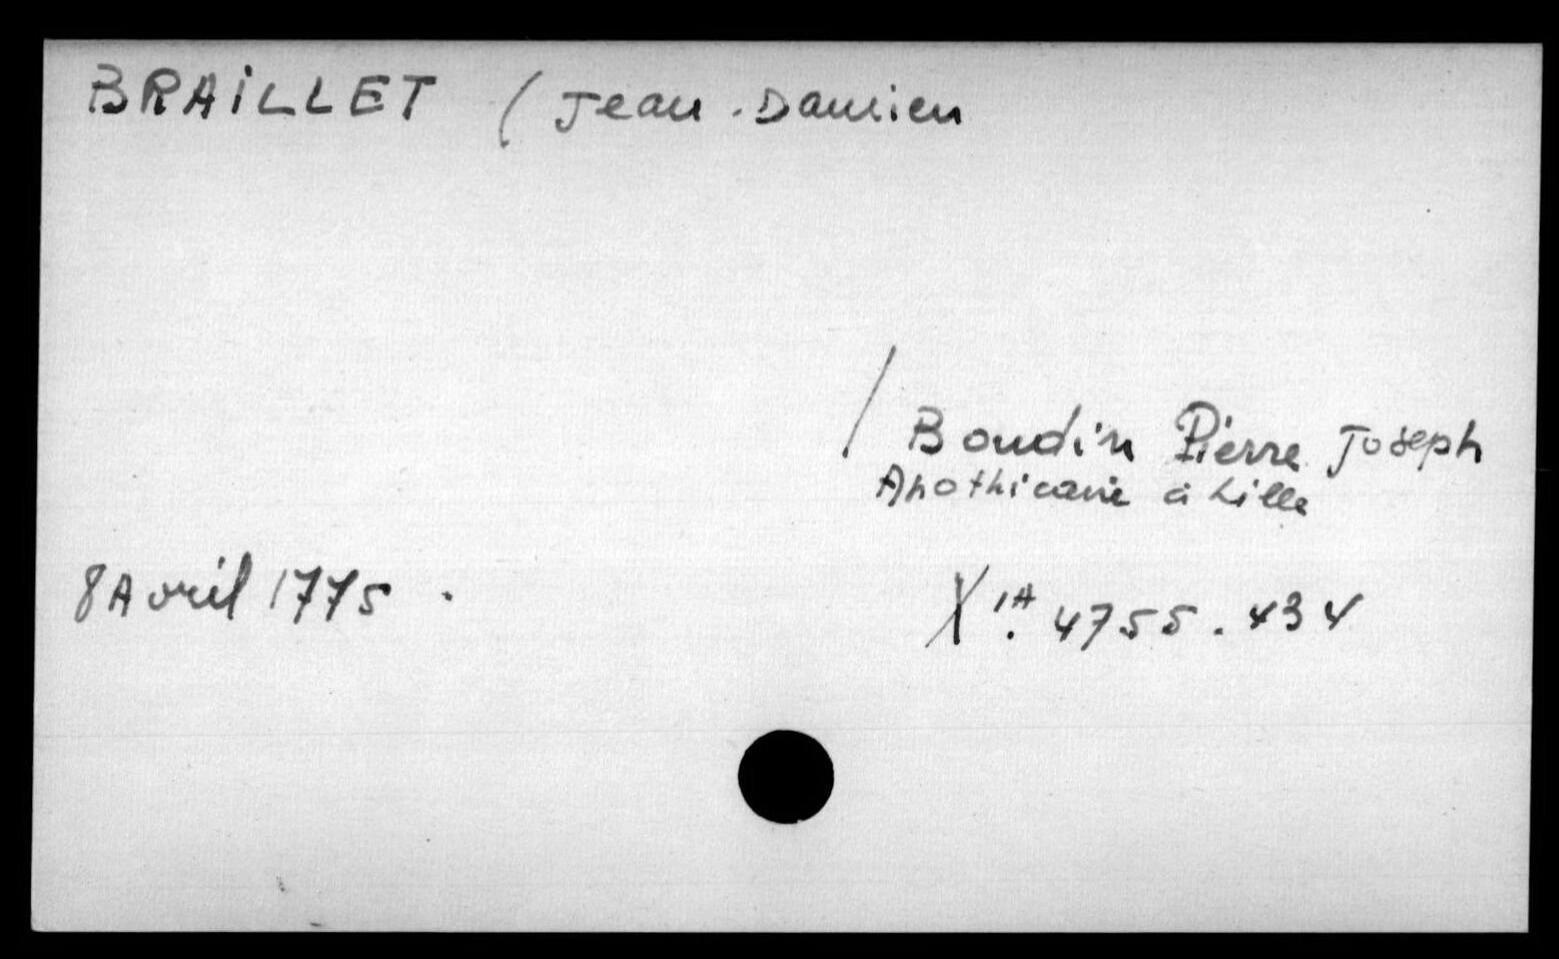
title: BRAILLET (Jean-Damien)
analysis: Contre Boudin Pierre Joseph Apothicaire à Lille
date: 8 avril 1775
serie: X1A
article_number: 4755
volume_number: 43v
